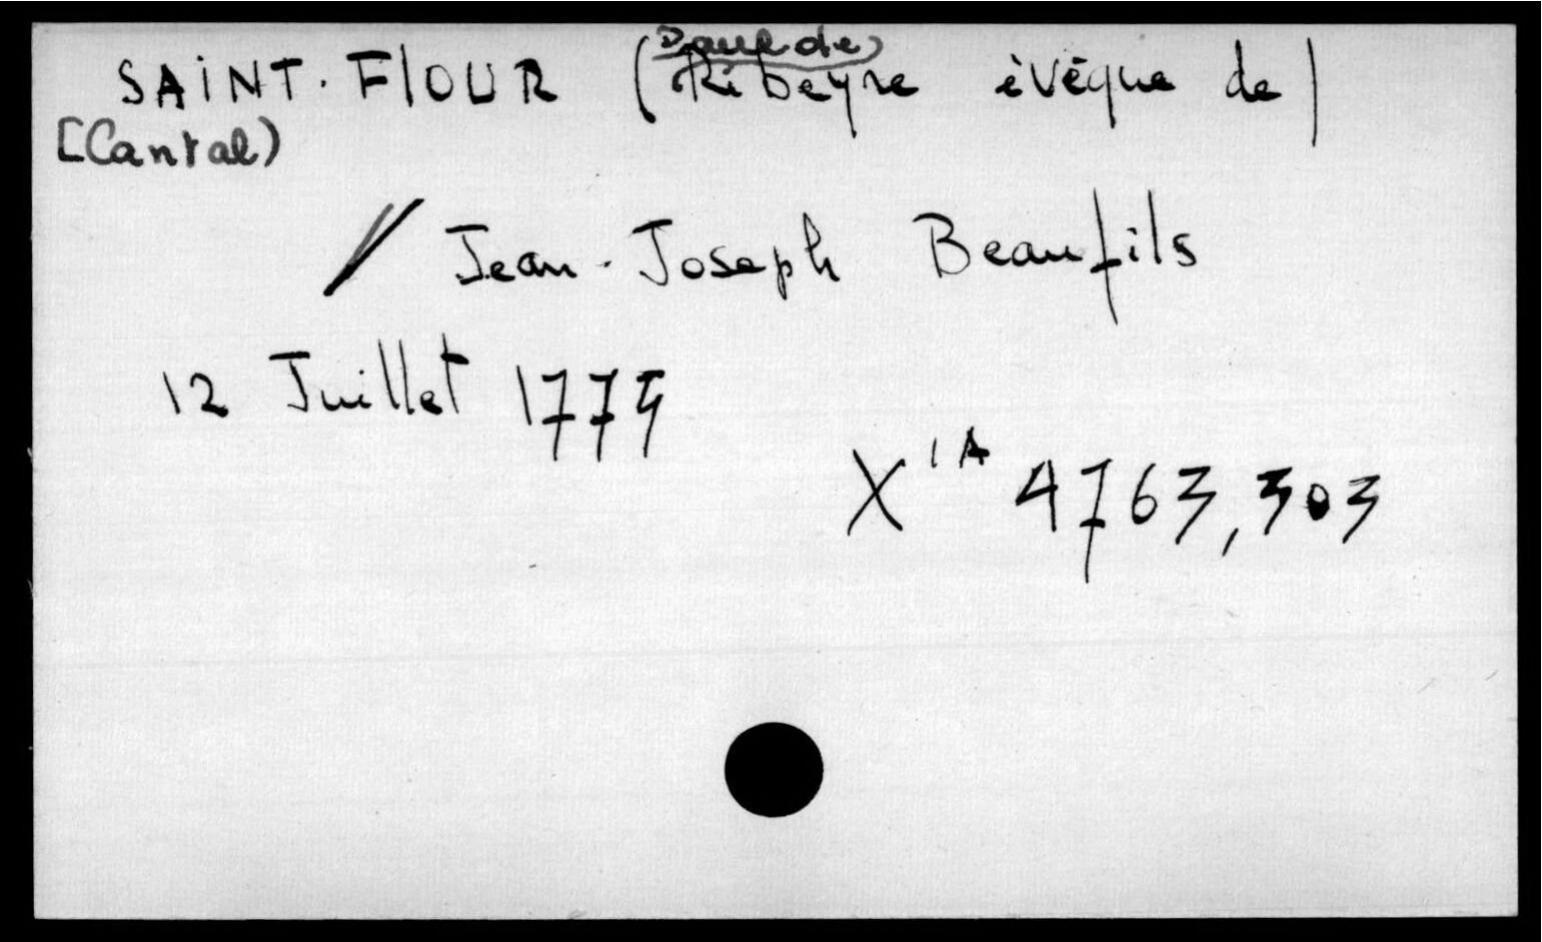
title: SAINT-FLOUR (Paul de Ribeyre évêque de) [Cantal]
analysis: Contre Jean-Joseph Beaufils
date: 12 juillet 1775
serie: X1A
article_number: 4763
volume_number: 303
